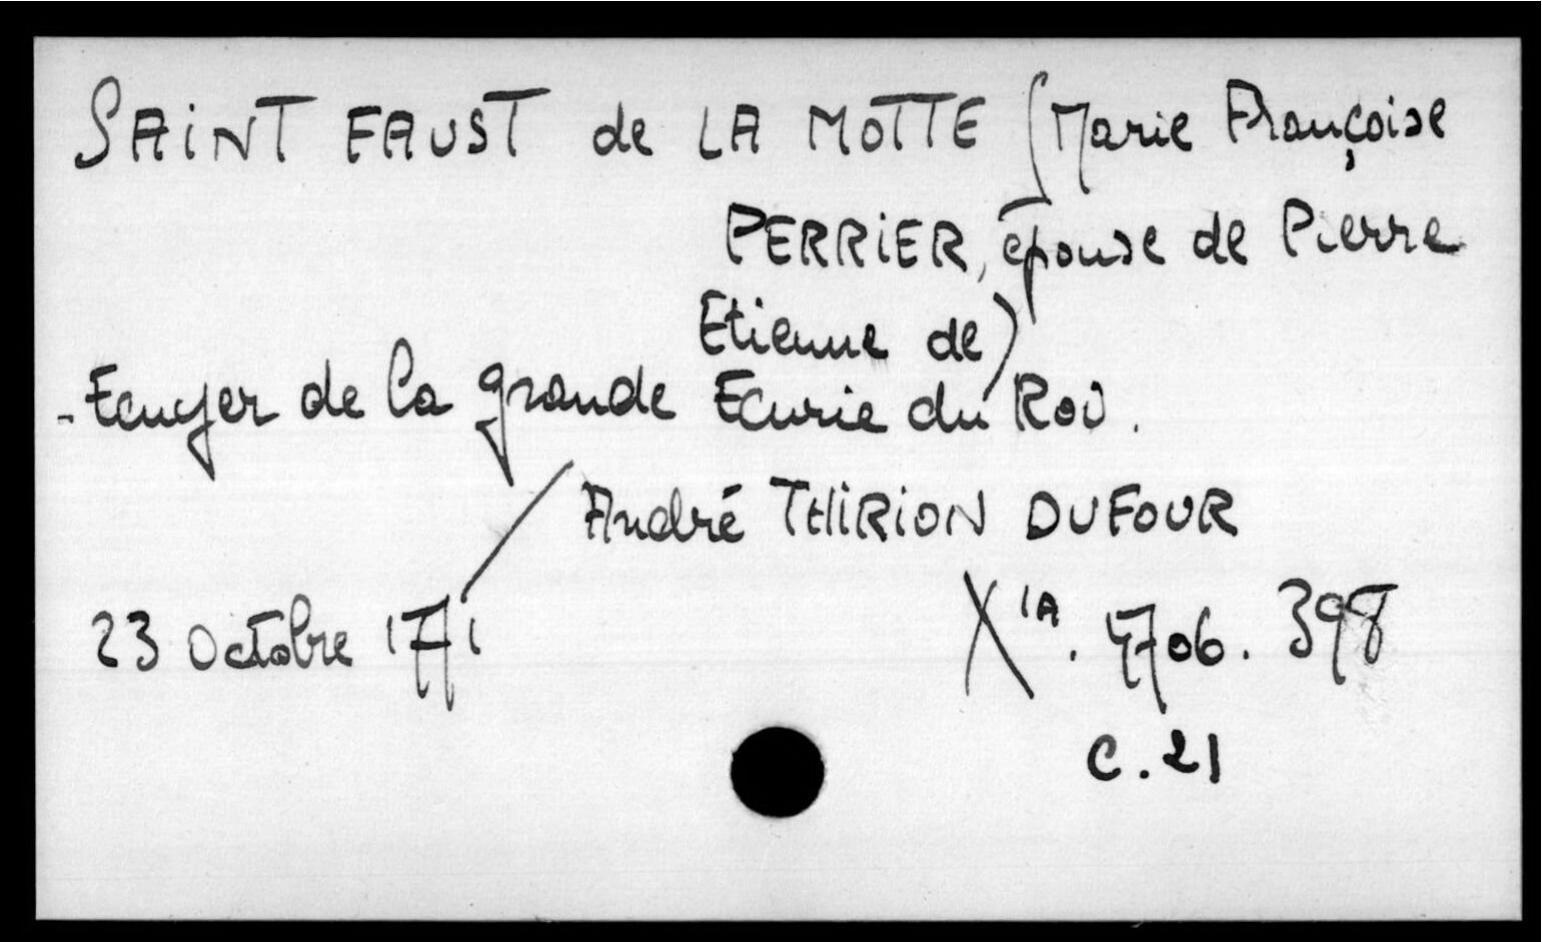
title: SAINT FAUST de LA MOTTE (Marie Françoise PERRIER, épouse de Pierre Étienne de) Ecuyer de la grande Ecurie du roi
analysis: Contre André THIRION DUFOUR
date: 23 octobre 1771
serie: X1A
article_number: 4706
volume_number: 398 Conseil 21
